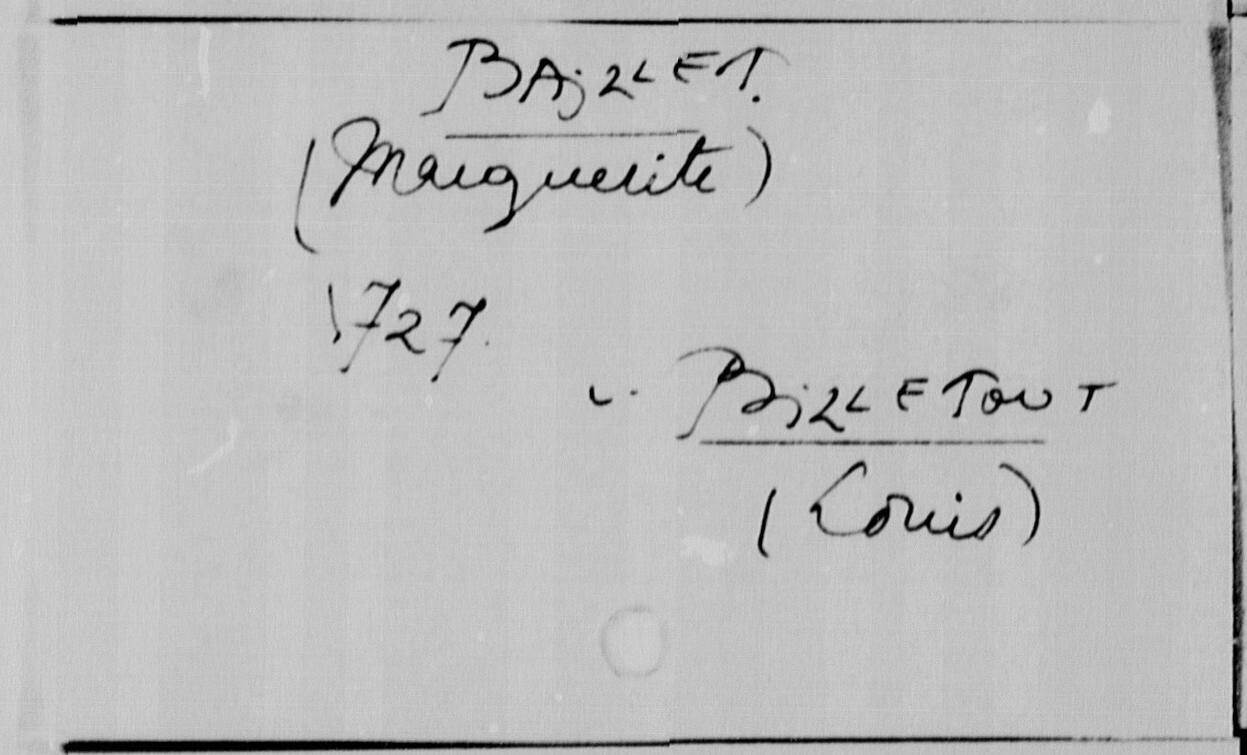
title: BAILLET (Marguerite)
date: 1727
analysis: Voir BILLETOUT (Louis)
